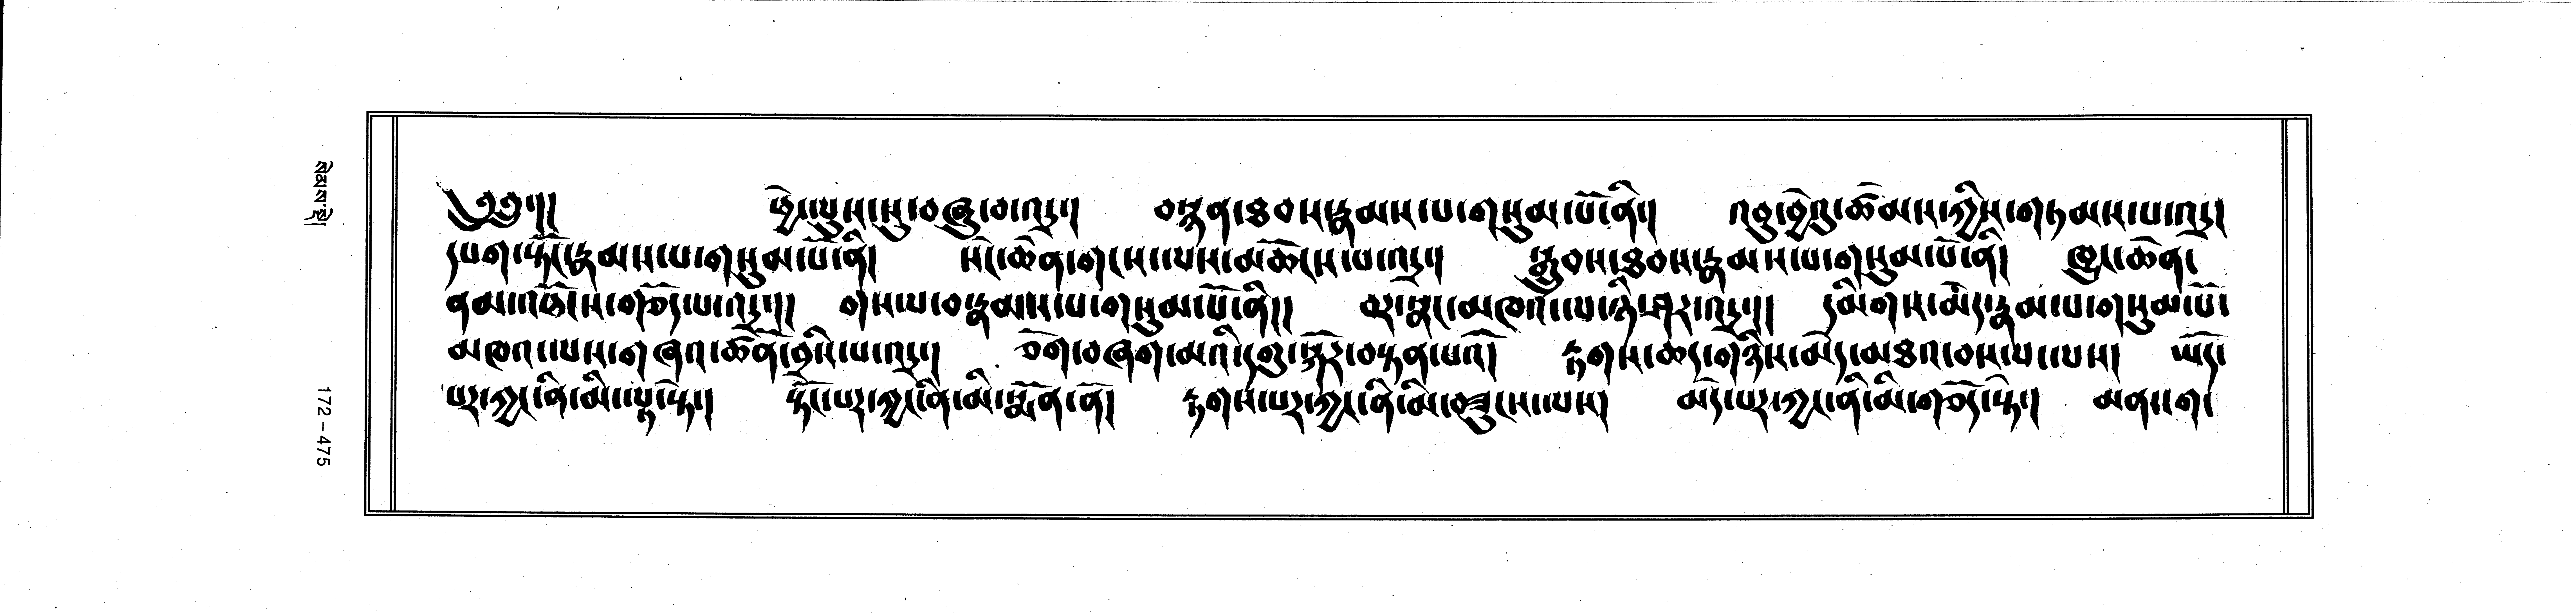ཕྱེ་ལུས་སུ་བཞུ་བ་འདྲ། བསྙན་ཐབས་རྣམ་པ་གསུམ་པོ་ནི། འབུ་བྱེའུ་ཚེམས་ཀྱིས་གཏམས་པ་འདྲ། 
དཔག་སྟོང་རྣམ་པ་གསུམ་པོ་ནི། སེང་ཆེན་གངས་ལས་མཆོངས་པ་འདྲ། སྒྲུབས་ཐབས་རྣམ་པ་གསུམ་པོ་ནི། ཁྱུང་ཆེན་
ནམ་འཕོངས་གཅོད་པ་འདྲ། གསལ་བ་རྣམ་པ་གསུམ་པོ་ནི། བར་སྣང་མཁའ་ལ་ཉི་ཤར་འདྲ། དམིགས་མེད་རྣམ་པ་གསུམ་པོ་
ནི། མཁའ་ལས་གཞའ་ཚོན་བྲིས་པ་འདྲ། ཅོག་བཞག་མའི་དགུ་སྐོར་བསྟན་པའོ། རྟགས་ཆད་གཉིས་མེད་མཐའ་བསལ་ལས། ཡོད་
པར་ཀྱང་ནི་མི་ལྟ་སྟེ། སྟོང་པར་ཀྱང་ནི་མི་སྨོན་ནོ། རྟགས་པར་ཀྱང་ནི་མི་བཟུངས་ལས། མེད་པར་ཀྱང་ནི་མི་གཅོད་སྟེ། མན་ངག་